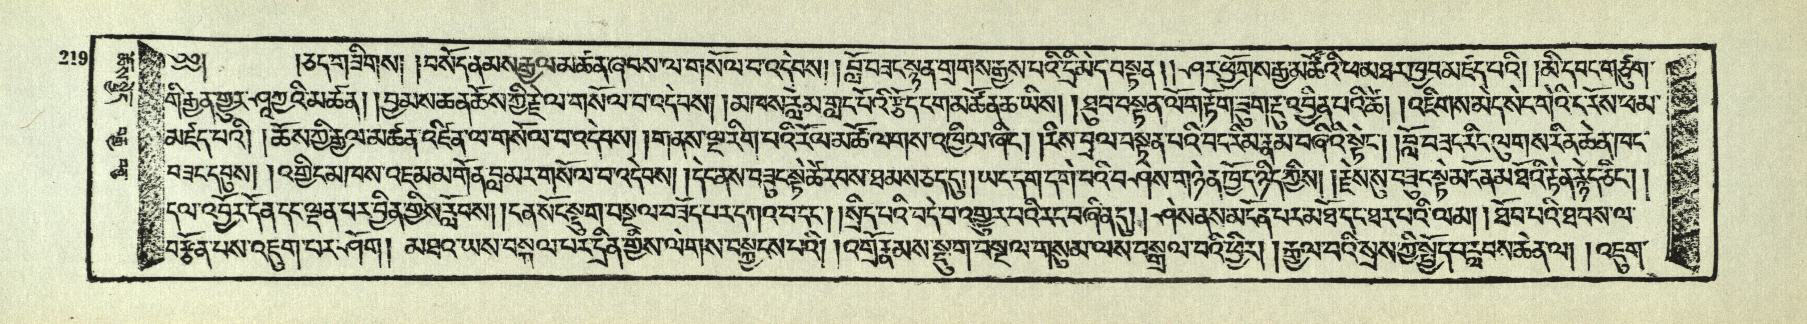༄༅། །ཅད་གཟིགས། །བསོད་ནམས་རྒྱལ་མཚན་ཞབས་ལ་གསོལ་བ་འདེབས། །བློ་བཟང་སྙན་གྲགས་རྒྱས་པའི་དྲི་མེད་བསྟན། །ཤར་ཕྱོགས་རྒྱ་མཚོའི་ཕ་མཐར་ཁྱབ་མཛད་པའི། །མི་དབང་གཙུག་
གི་རྒྱན་གྱུར་ཤཱཀྱའི་མཚན། །བྱམས་ཆན་ཆོས་ཀྱི་རྗེ་ལ་གསོལ་བ་འདེབས། །མཁས་རླེམ་གླང་པོའི་རྩོད་ངག་མཚོན་ཆ་ཡིས། །ཐུབ་བསྟན་ལོག་རྟོག་ཟུག་རྡུ་འབྱིན་པའི་ཚེ། །འཇིགས་མེད་སེང་གེའི་ང་རོས་ཕམ་
མཛད་པའི། །ཆོས་ཀྱི་རྒྱལ་མཚན་འཛིན་ལ་གསོལ་བ་འདེབས། །གནས་ལྔ་རིག་པའི་རོལ་མཚོ་ལགས་འཁྱིལ་ཞིང་། །རིས་བྲལ་བསྟན་པའི་བང་རིམ་རྣམ་བཞིའི་སྟེང་། །བློ་བཟང་རིང་ལུགས་རིན་ཆེན་ཁང་
བཟང་དབུས། །འགྱིང་མཁས་འཇམ་མགོན་བླ་མར་གསོལ་བ་འདེབས། །དེང་ནས་བཟུང་སྟེ་ཚེ་རབས་ཐམས་ཅད་དུ། །ཡང་དག་དགེ་བའི་བཤེས་གཉེན་ཁྱོད་ཉིད་ཀྱིས། །རྗེས་སུ་བཟུང་སྟེ་མངོན་མཐོའི་རྟེན་རྙེད་ཅིང་། །
དལ་འབྱོར་དོན་དང་ལྡན་པར་བྱིན་གྱིས་རློབས། །ངན་སོང་སྡུག་བསྔལ་བཟོད་པར་དཀའ་བ་དང་། །སྲིད་པའི་བདེ་བ་འགྱུར་པའི་རང་བཞིན་དུ། །ཤེས་ནས་མངོན་པར་མཐོ་དང་ཐར་པའི་ལམ། །ཐོབ་པའི་ཐབས་ལ་
བརྩོན་པས་འཇུག་པར་ཤོག། མཐའ་ཡས་བསྐལ་པར་དྲིན་གྱིས་ལེགས་བསྐྱངས་པའི། །འགྲོ་རྣམས་སྡུག་བསྔལ་གསུམ་ལས་བསྒྲལ་བའི་ཕྱིར། །རྒྱལ་བའི་སྲས་ཀྱི་སྤྱོད་པ་རླབས་ཆེན་ལ། །འཇུག་